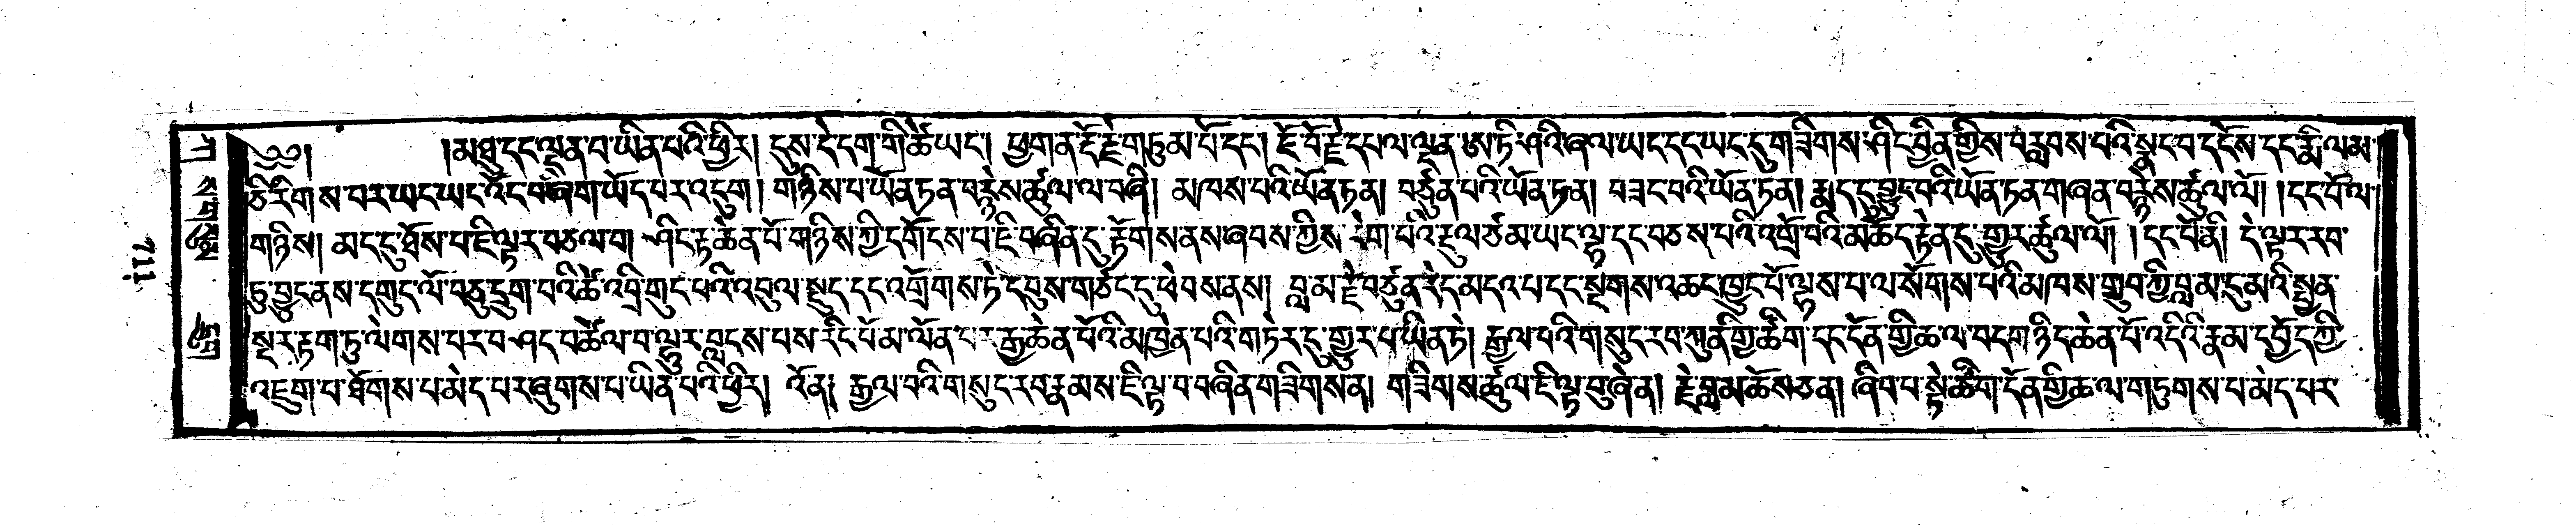༄༅། །མཐུ་དང་ལྡན་པ་ཡིན་པའི་ཕྱིར། དུས་དེ་དག་གི་ཚེ་ཡང་། ཕྱག་ན་རྡོ་རྗེ་གཏུམ་པོ་དང་། ཇོ་བོ་རྗེ་དཔལ་ལྡན་ཨ་ཏི་ཤའི་ཞལ་ཡང་དང་ཡང་དུ་གཟིགས་ཤིང་བྱིན་གྱིས་བརླབས་པའི་སྣང་བ་དངོས་དང་རྨི་ལམ་
ཅི་རིགས་པར་ཡང་ཡང་འོང་བ་ཞིག་ཡོད་པར་འདུག །གཉིས་པ་ཡོན་ཏན་བརྙེས་ཚུལ་ལ་བཞི། མཁས་པའི་ཡོན་ཏན། བཙུན་པའི་ཡོན་ཏན། བཟང་བའི་ཡོན་ཏན། རྨད་དུ་བྱུང་བའི་ཡོན་ཏན་གཞན་བརྙེས་ཚུལ་ལོ། །དང་པོ་ལ་
གཉིས། མང་དུ་ཐོས་པ་ཇི་ལྟར་བཙལ་བ། ཤིང་རྟ་ཆེན་པོ་གཉིས་ཀྱི་དགོངས་པ་ཇི་བཞིན་དུ་རྟོགས་ནས་ཞབས་ཀྱིས་རེག་པའི་རྡུལ་ཙམ་ཡང་ལྷ་དང་བཅས་པའི་འགྲོ་བའི་མཆོད་རྟེན་དུ་གྱུར་ཚུལ་ལོ། །དང་པོ་ནི། དེ་ལྟར་རབ་
ཏུ་བྱུང་ནས་དགུང་ལོ་བཅུ་དྲུག་པའི་ཚེ་འབྲི་གུང་པའི་འབུལ་སྡུད་དང་འགྲོགས་ཏེ་དབུས་གཙང་དུ་ཕེབས་ནས། བླ་མ་རྗེ་བཙུན་རེད་མདའ་བ་དང་སྔགས་འཆང་ཁྱུང་པོ་ལྷས་པ་ལ་སོགས་པའི་མཁས་གྲུབ་ཀྱི་བླ་མ་དུ་མའི་སྤྱན་
སྔར་རྟག་ཏུ་ལེགས་པར་བཤད་པ་ཚོལ་བ་ལྷུར་བླངས་པས་རིང་པོ་མ་ལོན་པར་རྒྱ་ཆེན་པོའི་མཁྱེན་པའི་གཏེར་དུ་གྱུར་པ་ཡིན་ཏེ། རྒྱལ་བའི་གསུང་རབ་ཀུན་གྱི་ཚིག་དང་དོན་གྱི་ཆ་ལ་བདག་ཉིད་ཆེན་པོ་འདིའི་རྣམ་དཔྱོད་ཀྱི་
འཇུག་པ་ཐོགས་པ་མེད་པར་ཞུགས་པ་ཡིན་པའི་ཕྱིར། འོ་ན༑ རྒྱལ་བའི་གསུང་རབ་རྣམས་ཇི་ལྟ་བ་བཞིན་གཟིགས་ན། གཟིགས་ཚུལ་ཇི་ལྟ་བུ་ཞེ་ན། རྗེ་བླ་མ་ཆོས་ཅན། ཞིབ་པ་སྟེ་ཚིག་དོན་གྱི་ཆ་ལ་གཏུགས་པ་མེད་པར་